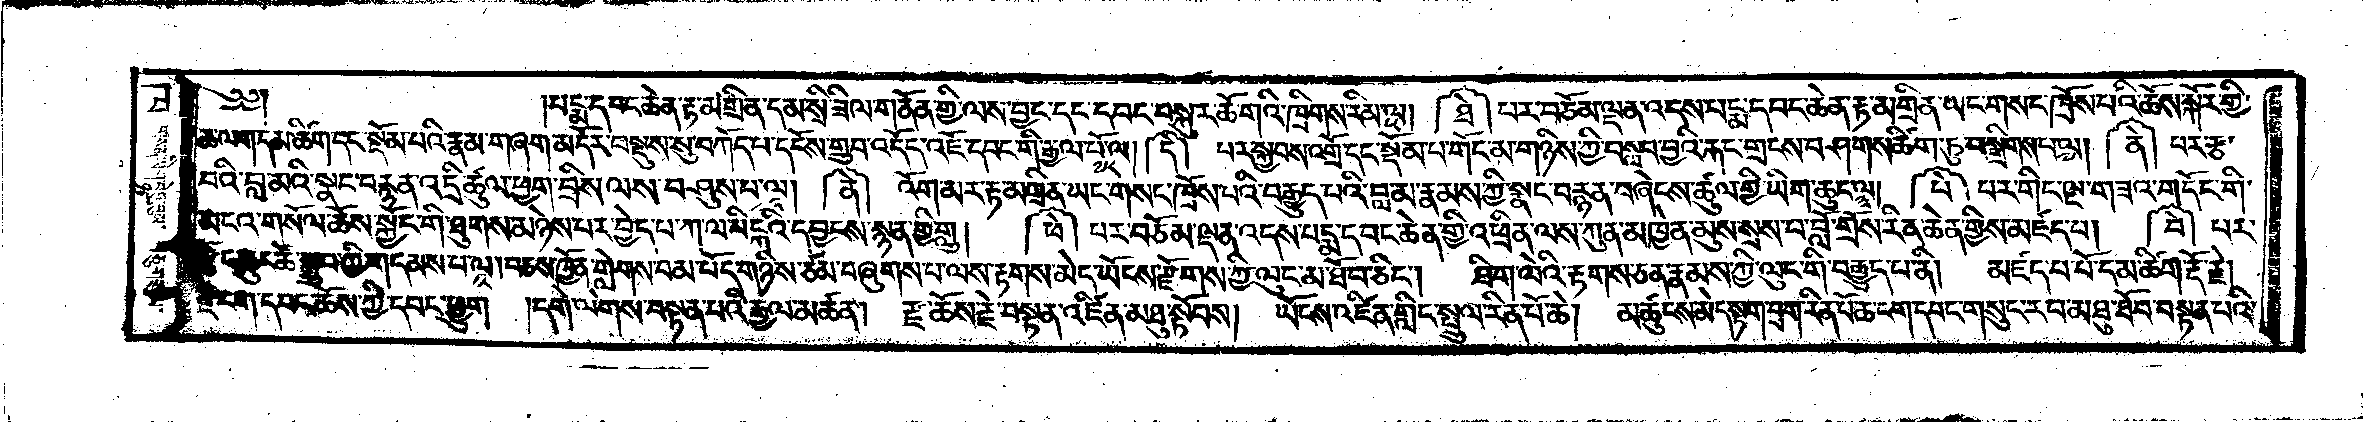༄༅། །པདམ་དབང་ཆེན་རྟ་མགྲིན་དམ་སྲི་ཟིལ་གནོན་གྱི་ལས་བྱང་དང་དབང་བསྐུར་ཆོ་གའི་ཁྲིགས་རིམ་ལ། ༼ཐེ༽ པར་བཅོམ་ལྡན་འདས་པདམ་དབང་ཆེན་རྟ་མགྲིན་ཡང་གསང་ཁྲོས་པའི་ཆོས་སྐོར་གྱི་
ཆ་ལག་དམ་ཚིག་དང་སྡོམ་པའི་རྣམ་གཞག་མདོར་བསྡུས་སུ་བཀོད་པ་དངོས་གྲུབ་འདོད་འཇོ་དབང་གི་རྒྱལ་པོ་ལ། ༼དེ༽ པར་སྐྱབས་འགྲོ་དང་སྡོམ་པ་གོང་མ་གཉིས་ཀྱི་བསླབ་བྱའི་རྐང་གྲངས་བཤགས་ཚིག་ཏུ་བསྒྲིགས་པ་ལ། ༼ནེ༽ པར་རྩ་
བའི་བླ་མའི་སྣང་བརྙན་འདྲི་ཚུལ་ཕྱག་བྲིས་ལས་བཤུས་པ་ལ། ༼ནེ༽ འོག་མར་རྟ་མགྲིན་ཡང་གསང་ཁྲོས་པའི་བརྒྱུད་པའི་བླ་མ་རྣམས་ཀྱི་སྣང་བརྙན་བཞེངས་ཚུལ་གྱི་ཡིག་ཆུང་ལ། ༼པེ༽ པར་གིང་ལྔ་གཟའ་གདོང་གི་
མངའ་གསོལ་ཆོས་སྐྱོང་གི་ཐུགས་མཉེས་པར་བྱེད་པ་ཀ་ལ་པིངྐའི་དབྱངས་སྙན་གྱི་གླུ། ༼ཕེ༽ པར་བཅོམ་ལྡན་འདས་པདམ་དབང་ཆེན་གྱི་འཕྲིན་ལས་ཀུན་མཁྱེན་མུས་སྲས་པ་བློ་གྲོས་རིན་ཆེན་གྱིས་མཛད་པ། ༼བེ༽ པར་
རྫོ་ང་ཆུང་ཚེ་སྒྲུབ་ཀྱི་གདམས་པ་ལ་།བཅས་ཁྱོན་གླེགས་བམ་པོད་གཉིས་ཙམ་བཞུགས་པ་ལས་རྟགས་མེད་ཡོངས་རྫོགས་ཀྱི་ལུང་མ་ཐོབ་ཅིང་། ཐིག་ལེའི་རྟགས་ཅན་རྣམས་ཀྱི་ལུང་གི་བརྒྱུད་པ་ནི། མཛད་པ་པོ་དམ་ཚིག་རྡོ་རྗེ།
རྗེ་ངག་དབང་ཆོས་ཀྱི་དབང་ཕྱུག །དགེ་ལེགས་བསྟན་པའི་རྒྱལ་མཚན། རྫ་ཆོས་རྗེ་བསྟན་འཛིན་མཐུ་སྟོབས། ཡོངས་འཛིན་གླིང་སྤྲུལ་རིན་པོ་ཆེ། མཚུངས་མེད་སྟག་བྲག་རིན་པོ་ཆ་ངག་དབང་གསུང་རབ་མཐུ་ཐོབ་བསྟན་པའི་